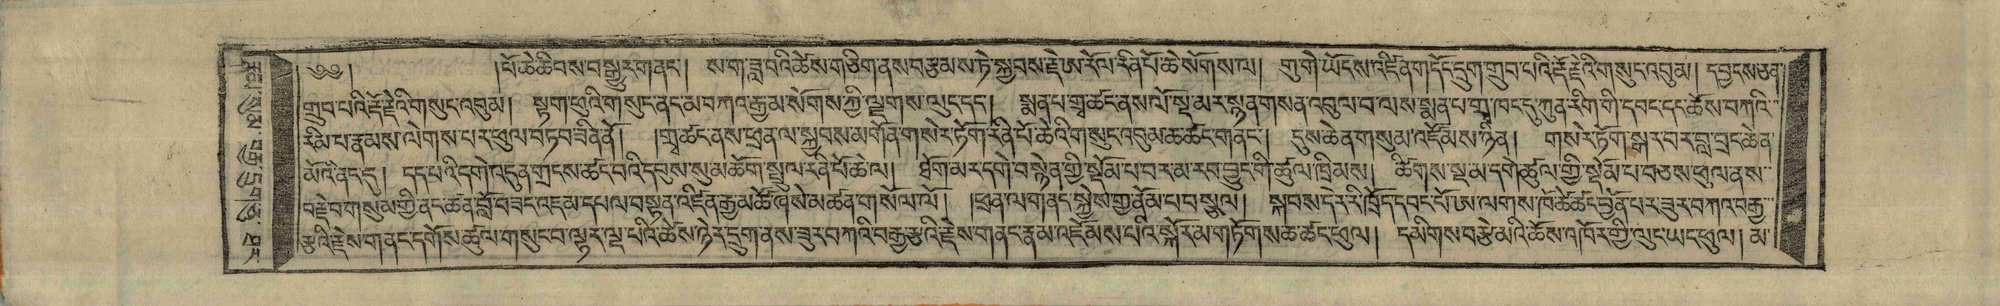༄༅། །པོ་ཆེ་ཆིབས་བསྒྱུར་གནང་། ས་ག་ཟླ་བའི་ཚེས་གཅིག་ནས་བརྩམས་ཏེ་སྐྱབས་རྗེ་ཨ་རོལ་རིན་པོ་ཆེ་སོགས་ལ། གུ་གེ་ཡོངས་འཛིན་གདོང་དྲུག་གྲུབ་པའི་རྡོ་རྗེའི་གསུང་འབུམ། དབྱངས་ཅན་
གྲུབ་པའི་རྡོ་རྗེའི་གསུང་འབུམ། སྟག་ཕུའི་གསུང་ནང་མ་བཀའ་རྒྱ་མ་སོགས་ཀྱི་ལྗགས་ལུང་དང་། སྨན་པ་གྲྭ་ཚང་ནས་ལོ་སྔ་མར་སྙན་གསན་འབུལ་བ་ལས་སྨན་པ་གྲྭ་ཁང་དུ་ཀུན་རིག་གི་དབང་དང་ཆོས་བཀའི་
རིམ་པ་རྣམས་ལེགས་པར་ཕུལ་བཏབ་ཟིན་ནོ། །གྲྭ་ཚང་ནས་ཕྲན་ལ་སྐྱབས་མགོན་གསེར་ཏོག་རིན་པོ་ཆེའི་གསུང་འབུམ་ཆ་ཚང་གནང་། དུས་ཆེན་གསུམ་འཛོམས་ཉིན། གསེར་ཏོག་སྒར་བར་བླ་བྲང་ཆེན་
མོའི་ནང་དུ། དད་པའི་དགེ་འདུན་གྲངས་ཚང་བའི་དབུས་སུ་མཆོག་སྤྲུལ་རིན་པོ་ཆེ་ལ། ཐོག་མར་དགེ་བསྙེན་གྱི་སྡོམ་པ་བར་མ་རབ་བྱུང་གི་ཚུལ་ཁྲིམས། ཚིགས་སྔ་མ་དགེ་ཚུལ་གྱི་སྡོམ་པ་བཅས་ཕུལ་ནས་
བརྗེ་བ་གསུམ་གྱི་ནང་ཚན་བློ་བཟང་འཇམ་དཔལ་བསྟན་འཛིན་རྒྱ་མཚོ་ཞེས་མཚན་གསོལ་ལོ། །ཕྲན་ལ་གནང་སྐྱེས་གྱ་ནོམ་པ་བསྩལ། སྐབས་དེར་རི་ཁྲོད་དབང་པོ་ཨ་ལགས་ཁོ་ཚེ་ཚང་བྱོན་པར་ཟུར་བཀའ་བརྒྱ་
རྩའི་རྗེས་གནང་དགོས་ཚུལ་གསུང་བ་ལྟར་ལྔ་པའི་ཚེས་ཉེར་དྲུག་ནས་ཟུར་བཀའི་བརྒྱ་རྩའི་རྗེས་གནང་རྣམ་འཇོམས་པའི་སྐོར་མ་གཏོགས་ཆ་ཚང་ཕུལ། དམིགས་བརྩེ་མའི་ཆོས་འཁོར་གྱི་ལུང་ཡང་ཕུལ། མ་